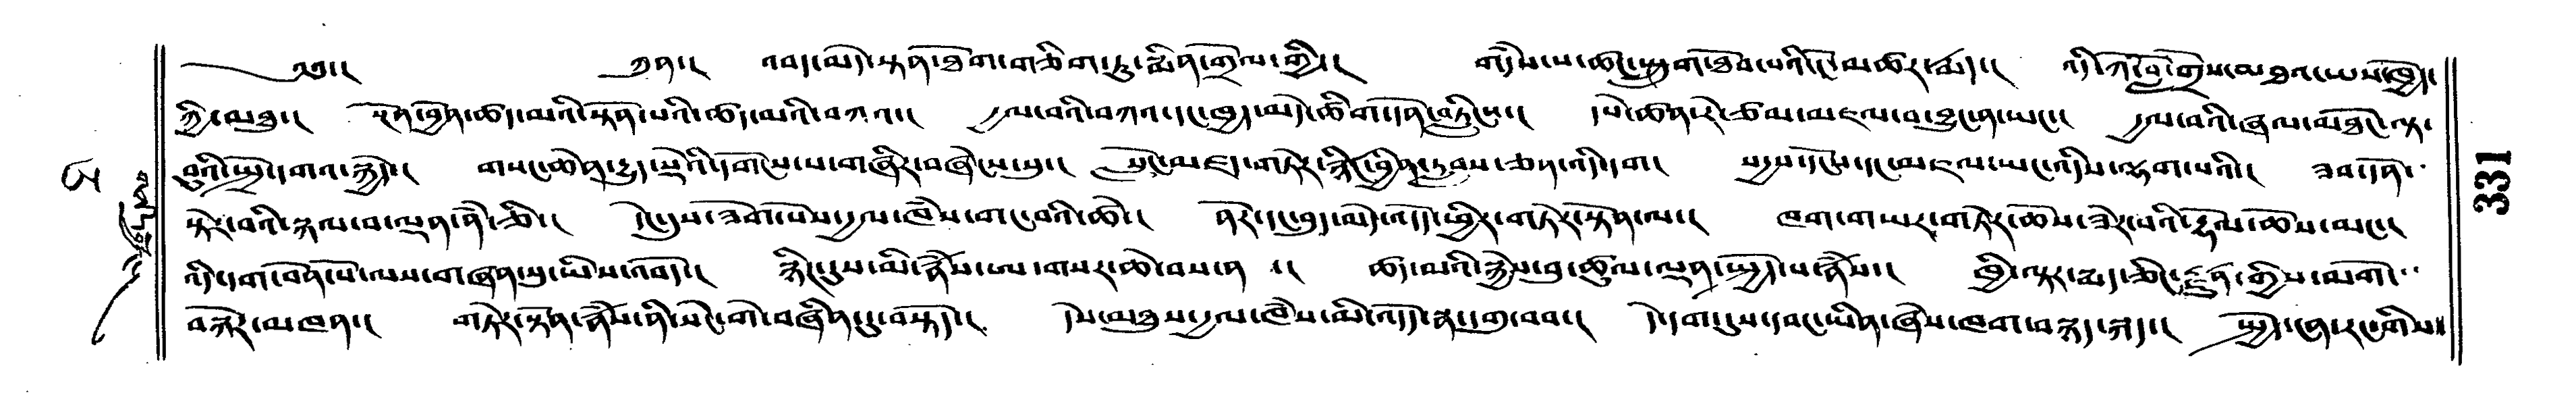ཀུན། །འབད་མེད་སྟན་ཐོག་གཅིག་ཏུ་སྨིན་གྲོལ་གྱི། །གདམས་པ་ཚང་སྤྲུག་ཐོབ་པའི་ངོ་མཚར་རྨད། །འདི་ཀོ་བློ་གྲོས་མཐའ་ཡས་ཁྱེད་
ཀྱི་མཐུ། །སྔོན་བྱོན་ཚད་མའི་སྟོན་པའི་ཚད་མའི་བཀའ། །རྒྱལ་བའི་བཀའ་དང་ཁྱད་མེད་ཚིག་དོན་རླིངས། །དཔེ་ཚན་རེ་ཙམ་མཇལ་བ་བྱུང་ན་ཡང་། །རྒྱལ་བའི་ཞལ་མཐོང་ལྟ་
བུའི་སྤྲོ་དགའ་སྐྱེད། །གསང་ཆེན་རྒྱུད་སྡེའི་དགོངས་པ་གཞིར་བཞེངས་སུ། །སློང་མཛད་གཏེར་སྙིང་བྱིན་རླབས་ཅན་འདི་དག །སངས་རྒྱས་དངོས་དང་མཇལ་ཡང་འདིས་ལྷག་པའི། །ཟབ་དོན་
སྟེར་བའི་སྐལ་བ་ལྡན་ནམ་ཅི། །དེང་དུས་ཟོག་པོས་རྒྱལ་ཁམས་གང་བའི་ཚེ། །ནོར་དང་བུད་མེད་འདོད་ཕྱིར་གཏེར་སྟོན་ལ། ཁག་གཡར་གཏེར་ཆོས་ཟེར་བའི་རྡོལ་ཆོས་མང་། །
འདི་དག་བོན་པོ་ལས་གཞན་སུ་ཡིས་འབོད། །སྙིགས་དུས་མི་རྣམས་ཨ་གསར་ཆེ་བས་ན། །ཚད་མའི་སྐྱེས་བུ་ཚུལ་ལྡན་སྤྱོད་པ་རྣམས། ཁྱི་ལྟར་སྨད་ཅིང་རྫུན་གྱིས་མགོ་
བསྐོར་མཁན། །གཏེར་སྟོན་རྣམས་ནི་སེང་གེ་བཞིན་དུ་བསྟོད། །དེས་མཐུས་རྒྱལ་ཁམས་མི་འདོད་སྣ་དགུ་བབ། །དེ་དག་དུས་དབང་ཡིན་ཞེས་ཁག་བསྙད་སྐད། །སྤྱོད་ངན་རང་གིས་